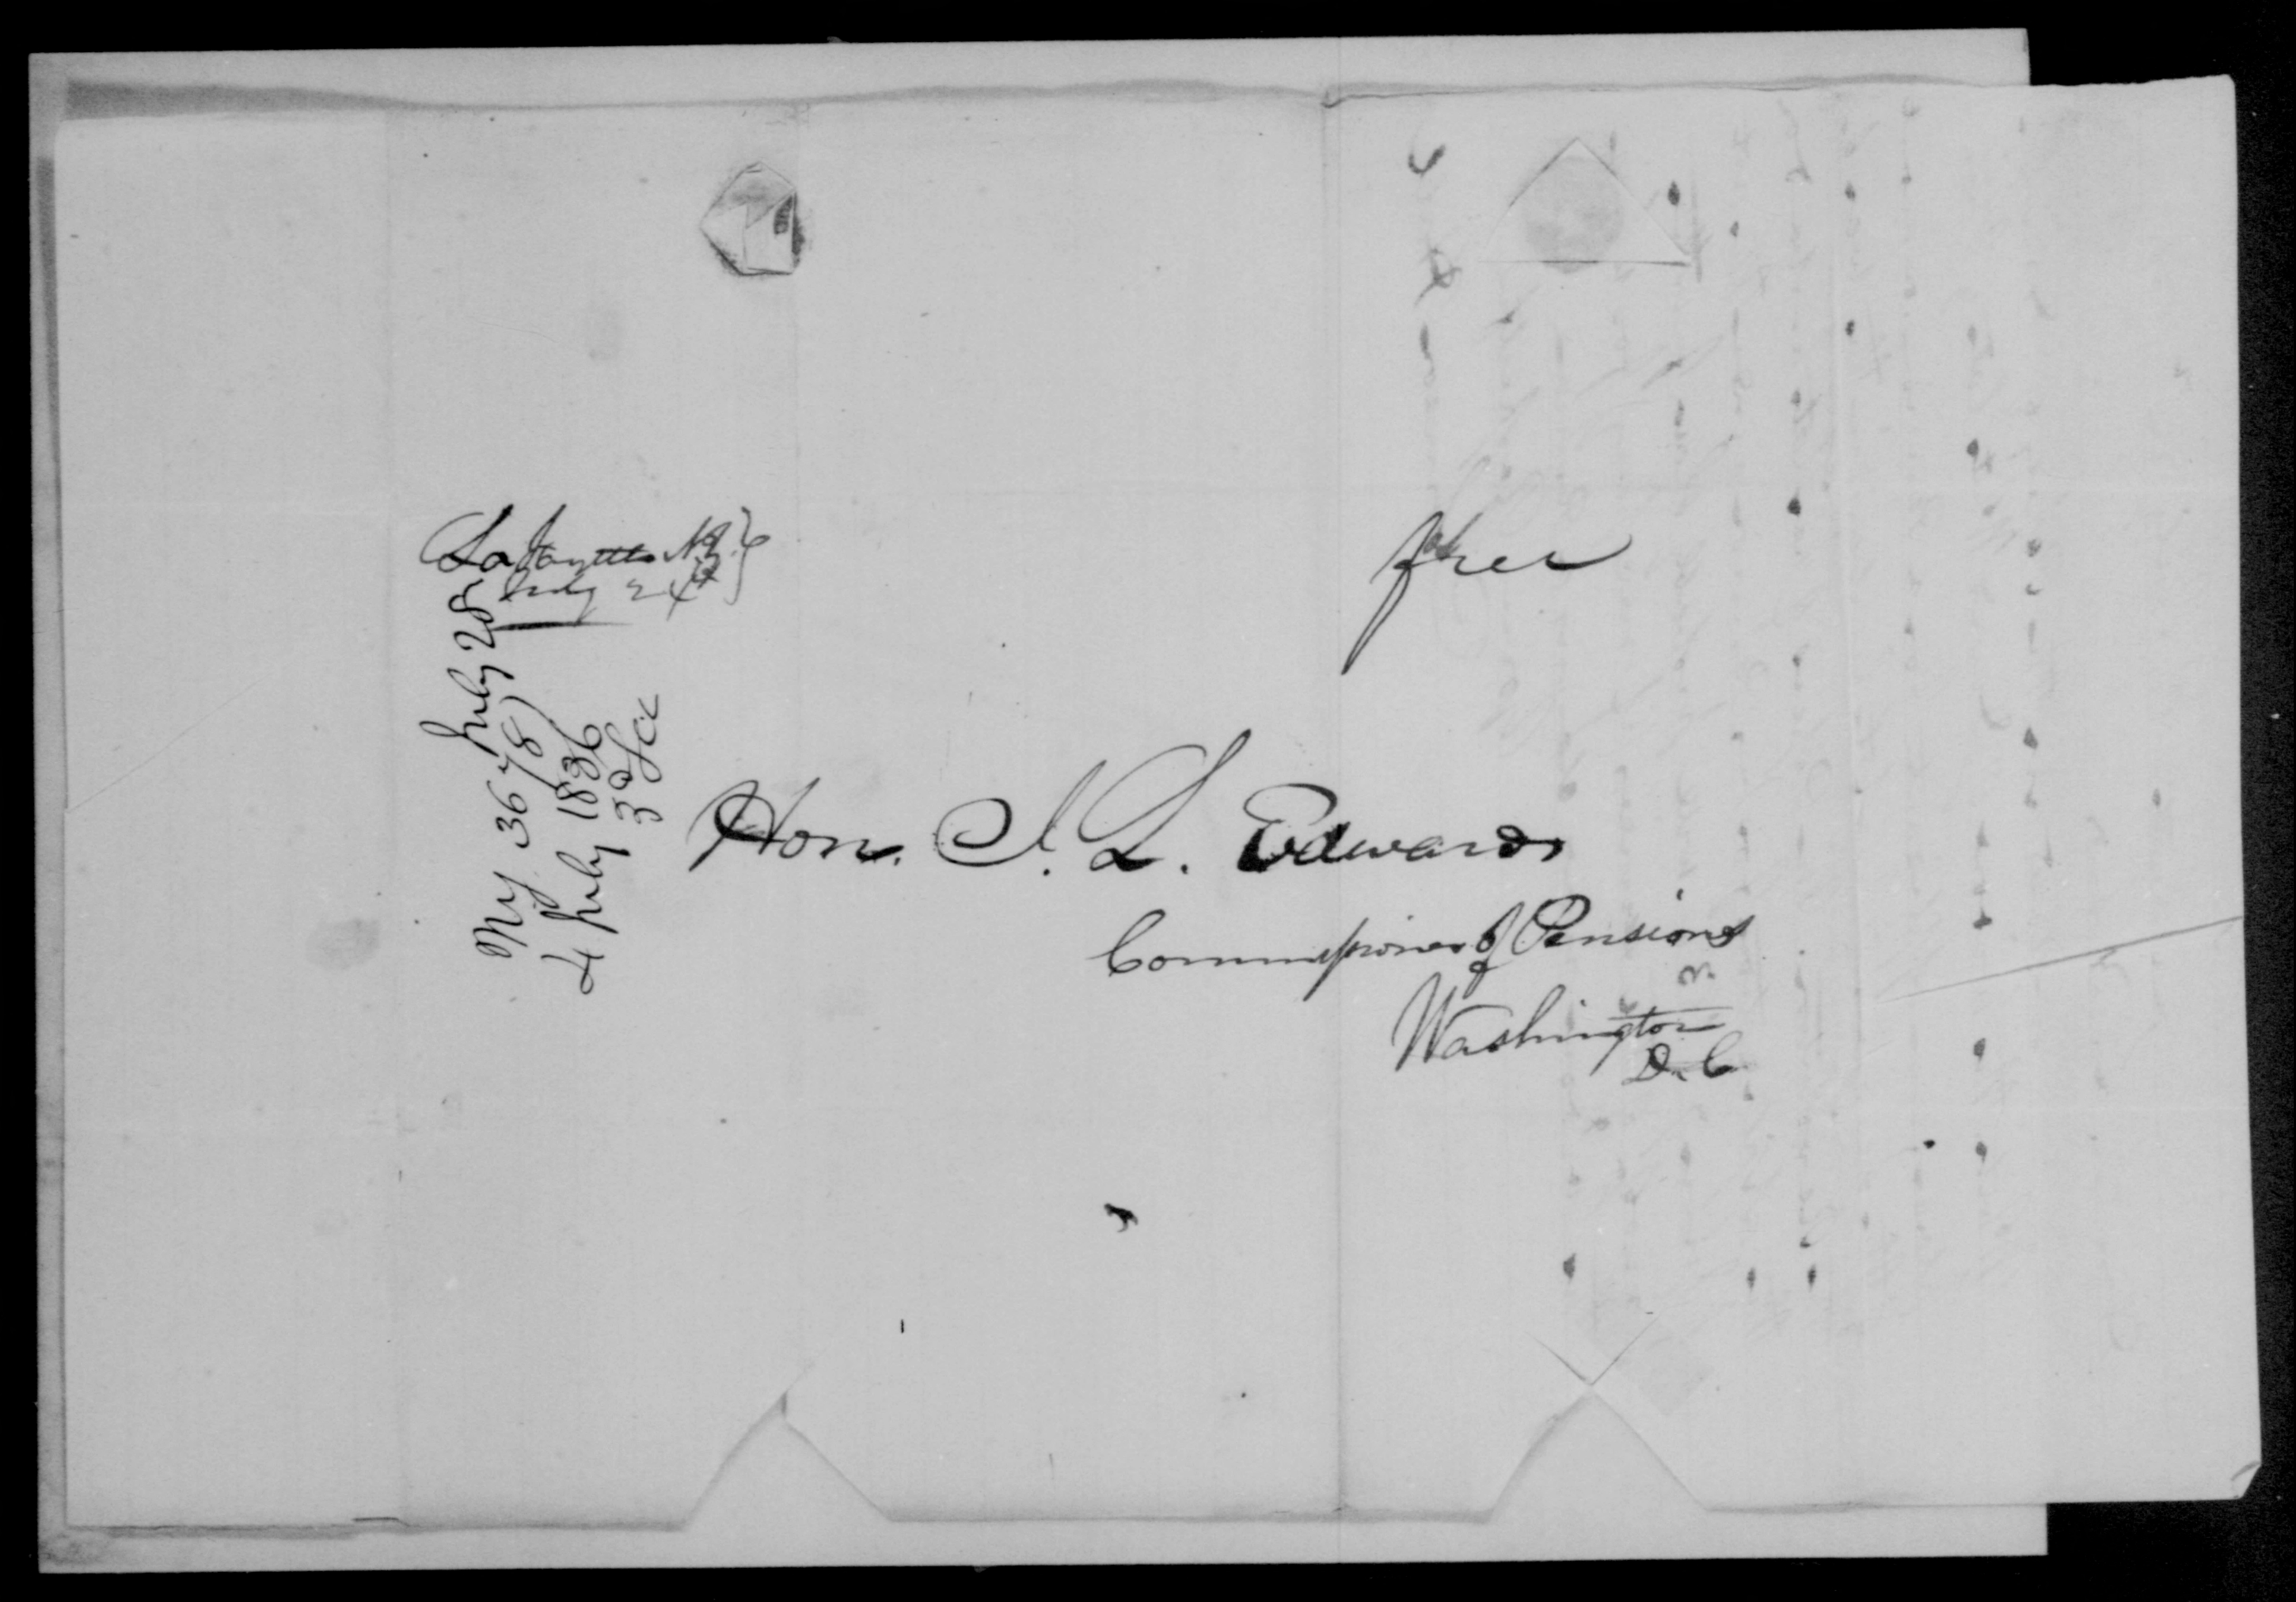Lafayette NY}             frer
July 24}
July 28 to July 1836
NY 3678
3 ofcl

Hon. J.L. Edwards
Commissioner of Pensions
Washington D.C.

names: J L Edwards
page: 57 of 63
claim: widow's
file: W. 18403, David White, Conn.